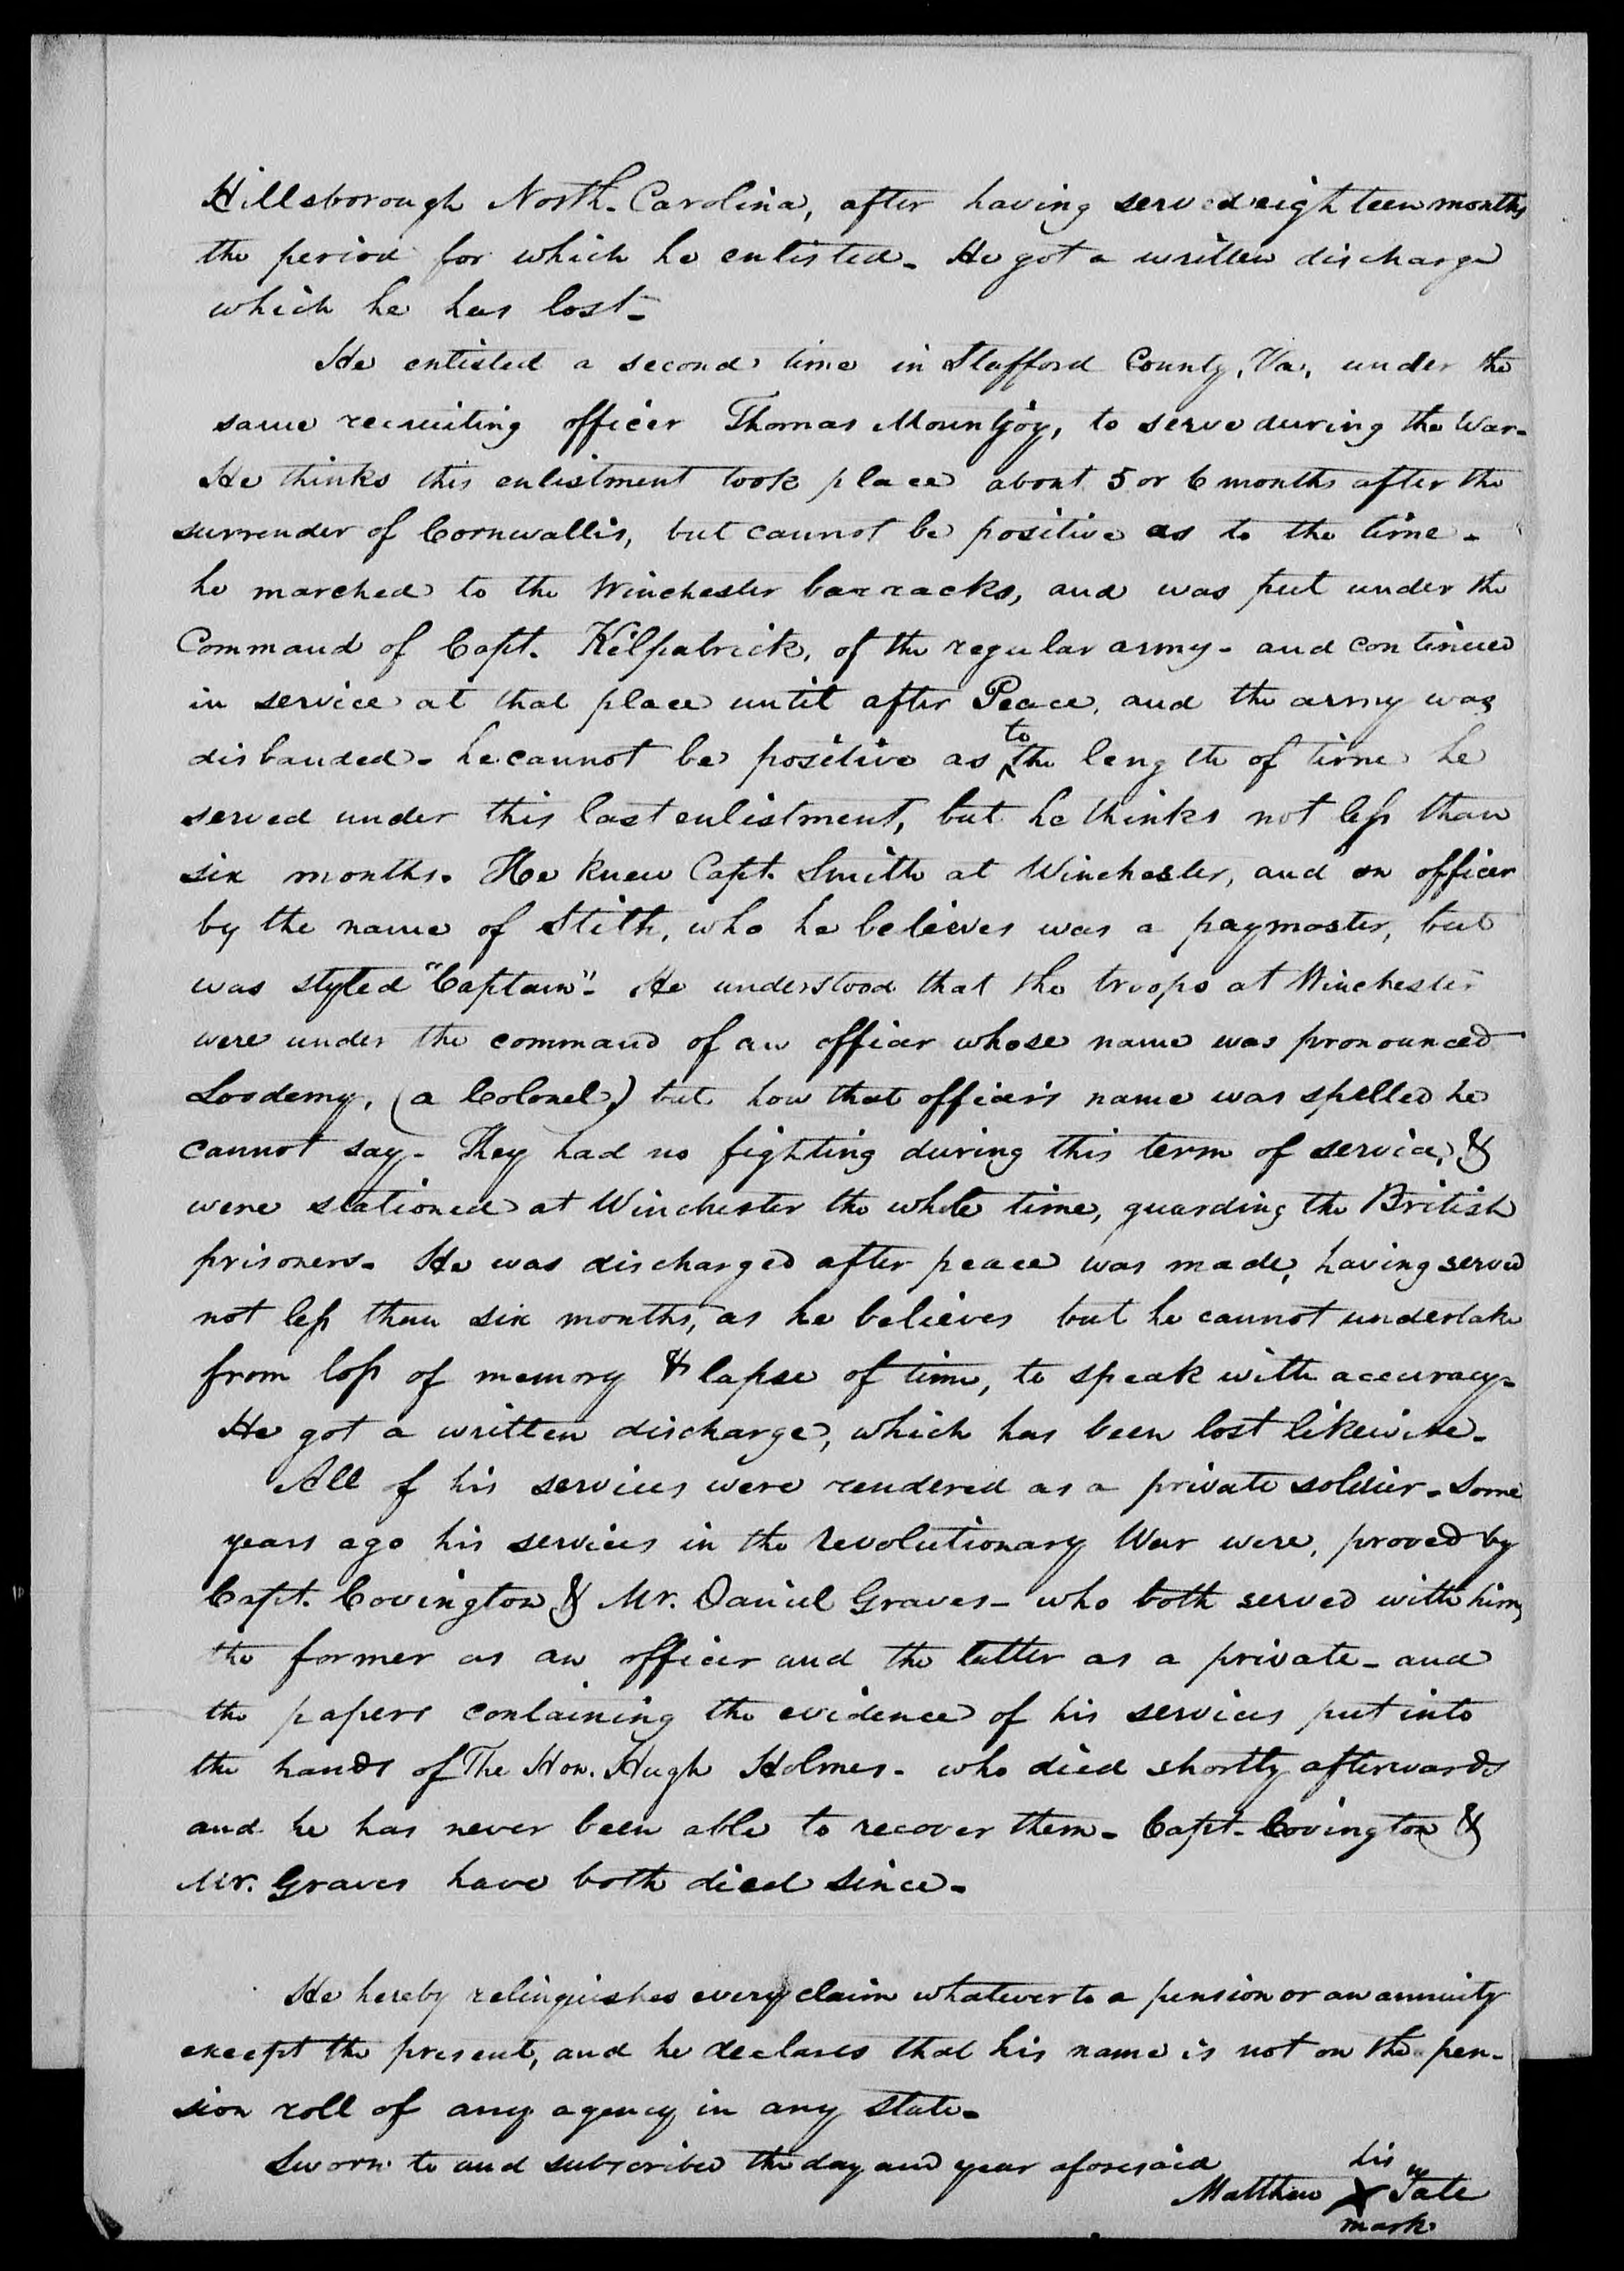Hillsborough North Carolina, after having served
eighteen months
the period for which he enlisted. He got a written
discharge
which he has lost
He enlisted a second time in Stafford County, Va.
under the 
same recruiting office Thomas Mountjoy, to 
serve during the war
He thinks this enlistment took
place about 5 or 6b months after the
surrender of Cornwallis, but cannot be positive as to the time
He marched to the Winchester barracks, and 
was put under the command of Capt. Kilpatrick, of the regular army, and continues in service that place until after Peace, and the army was disbanded.
He cannot be positive as to the length
of time he served under his last enlistment, but he thinks not less than six months
He knew Capt. Smith at Winchester, who believes was a paymaster, but was styled "Captain." He understood that the troops at Winchester were under command of an officer
whose name was pronounced Lordeny,
(a colonel) but how that officer's name
was spelled he cannot say. They had no fighting during this term in service and were stationed at Winchester the whole time,
guarding the British prisoners.
He was discharged after peace wars made
having served not less than six months,
as he believes but he cannot undertake
from loss of memory and lapse of time, to speak with accuracy
He got a written discharge, which has been lost likewise 
All of his services were rendered as a private solider- some
Capt. Covington & Mr. Daniel Graves who both 
served with him
the former as an officer and the latter as a private and the papers containing the evidence of his services put into
the hands of the Hon. Hugh Holmes who died shortly afterwards
and he has never been able to recover them.
Capt. Covington & Mr. Graves have both  died since.
He hereby relinquishes every claim whatever to a pension or an annuity.
except the present, and he declares that his 
name is not on the pension 
roll of any agency in any state.
Sworn to and subscribed the day and year 
a foresaid,
Matthew Tate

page: 5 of 18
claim: survivor's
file: S. 11,508, for Mathew Tate, Virginia